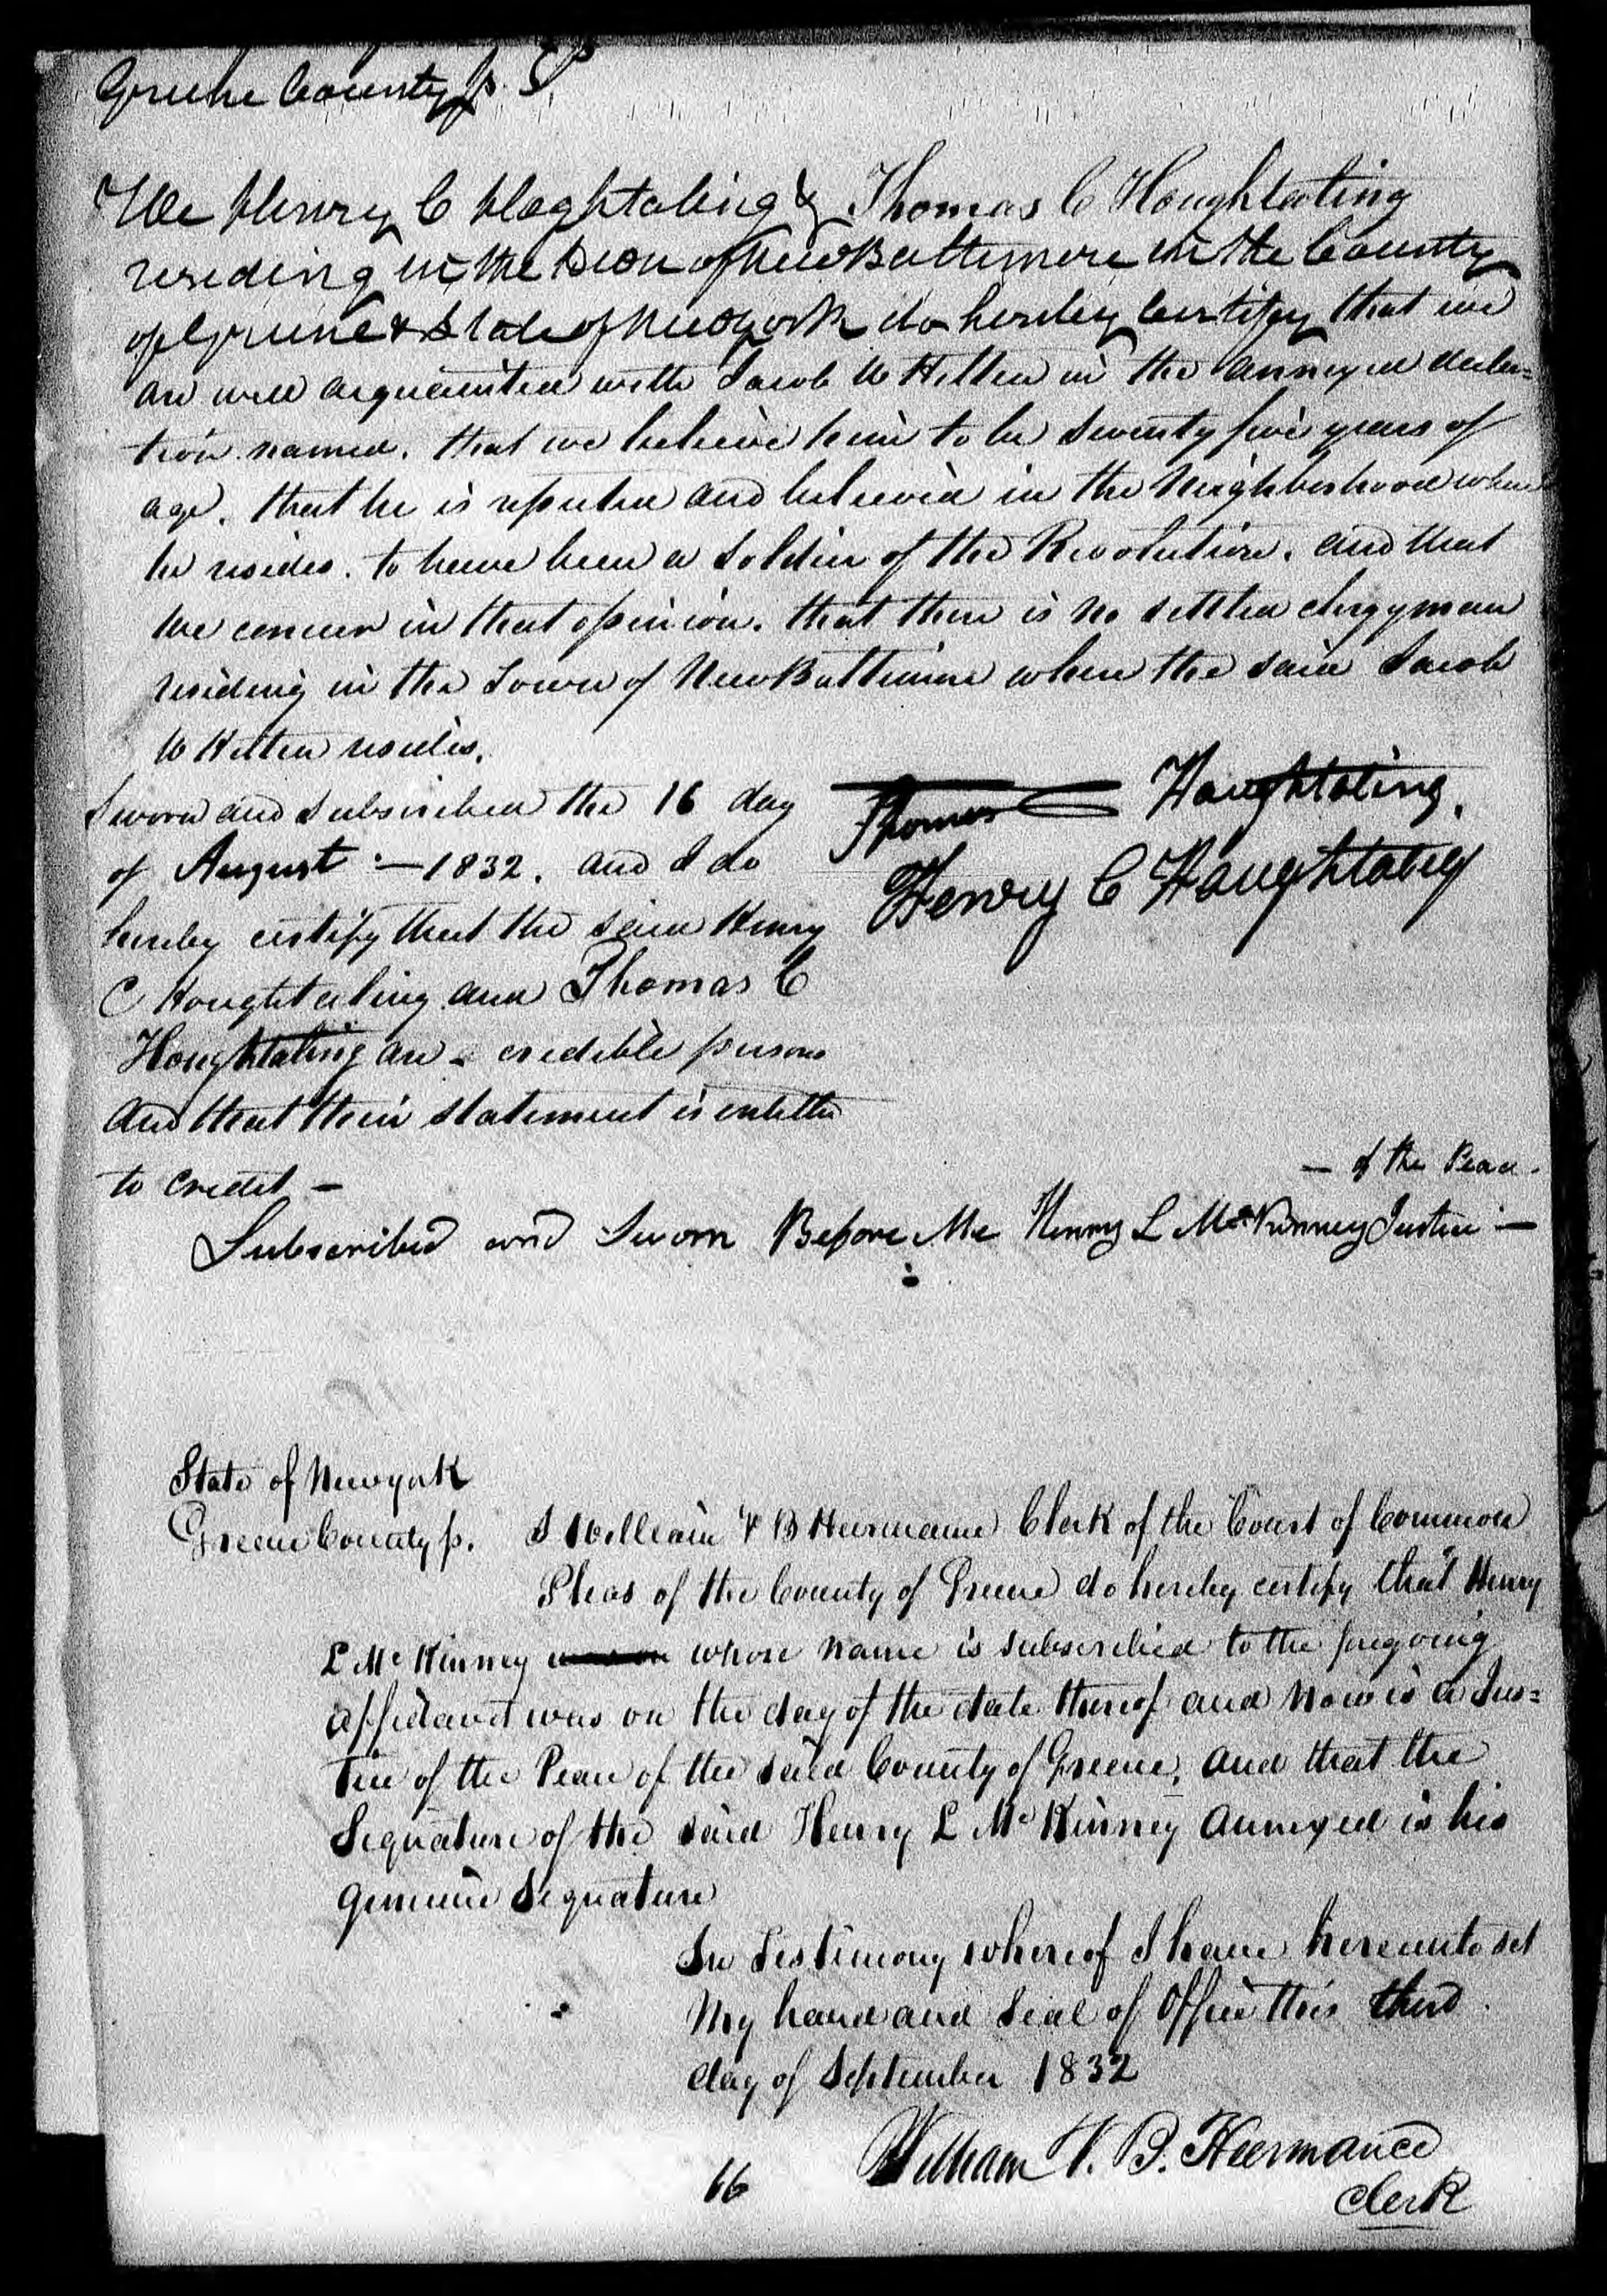Greene County SS.

We Henry C. Hoghtaling & Thomas C Houghlating residing in the son of New Baltimore in the County
of Greene & State of New York do hereby certify that we
are well acquainted with Jacob W Hilton in the annexed declaration named, that we believe him to be seventy five years of
age that he is reputed and believe in the neighborhood where he resides to have been a soldier of the Revolution, and that
we concur in that opinion that there is no settled clergyman residing in the Town of New Batham when the dain Jacob W Hilton resides.
W Witten usulis
Sworn and subscribed the 16 day
of August - 1832, and I do
Thomas
Houghtaling
hereby certify that the said Henry
Houghtaling and Thomas C
●
Henry C Houghtally
Houghtaling are credible persons
and that their statement is entitled
to credit
of the Peace
Subscribed and Sworn Before Me Henry L McKinney Justice
State of New York
Greene County ss
I William B Hermann Clerk of the Court of Common
Pleas of the County of Greene do hereby certify that Mary
Kinney whose name is subscribed to the foregoing
affidavit was on the day of the date thereof and now is a Jus
of the Peace of the said County of Greene, and that the
Signature of the said Henry L McKinney Annexed is his
genuine signature
In Testimony whereof I have hereunto set
my hand and seal of office this third
day of September 1832
William W. P. Heermance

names: Henry C Houghtaling, Thomas C Houghtaling, William V B Heermance, Henry L Mc Kinney, William V B Heermance, Henry L Mc Kinney, Henry C Haughtaling, Henry L Mc Kinney, Jacob W Hilton, Thomas C Haughtaling, Jacob C Hilton, Thomas C Houghtaling, Henry C Hoghtaling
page: 8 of 48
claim: widow's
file: W. 19788, Jacob W Hilton, New York